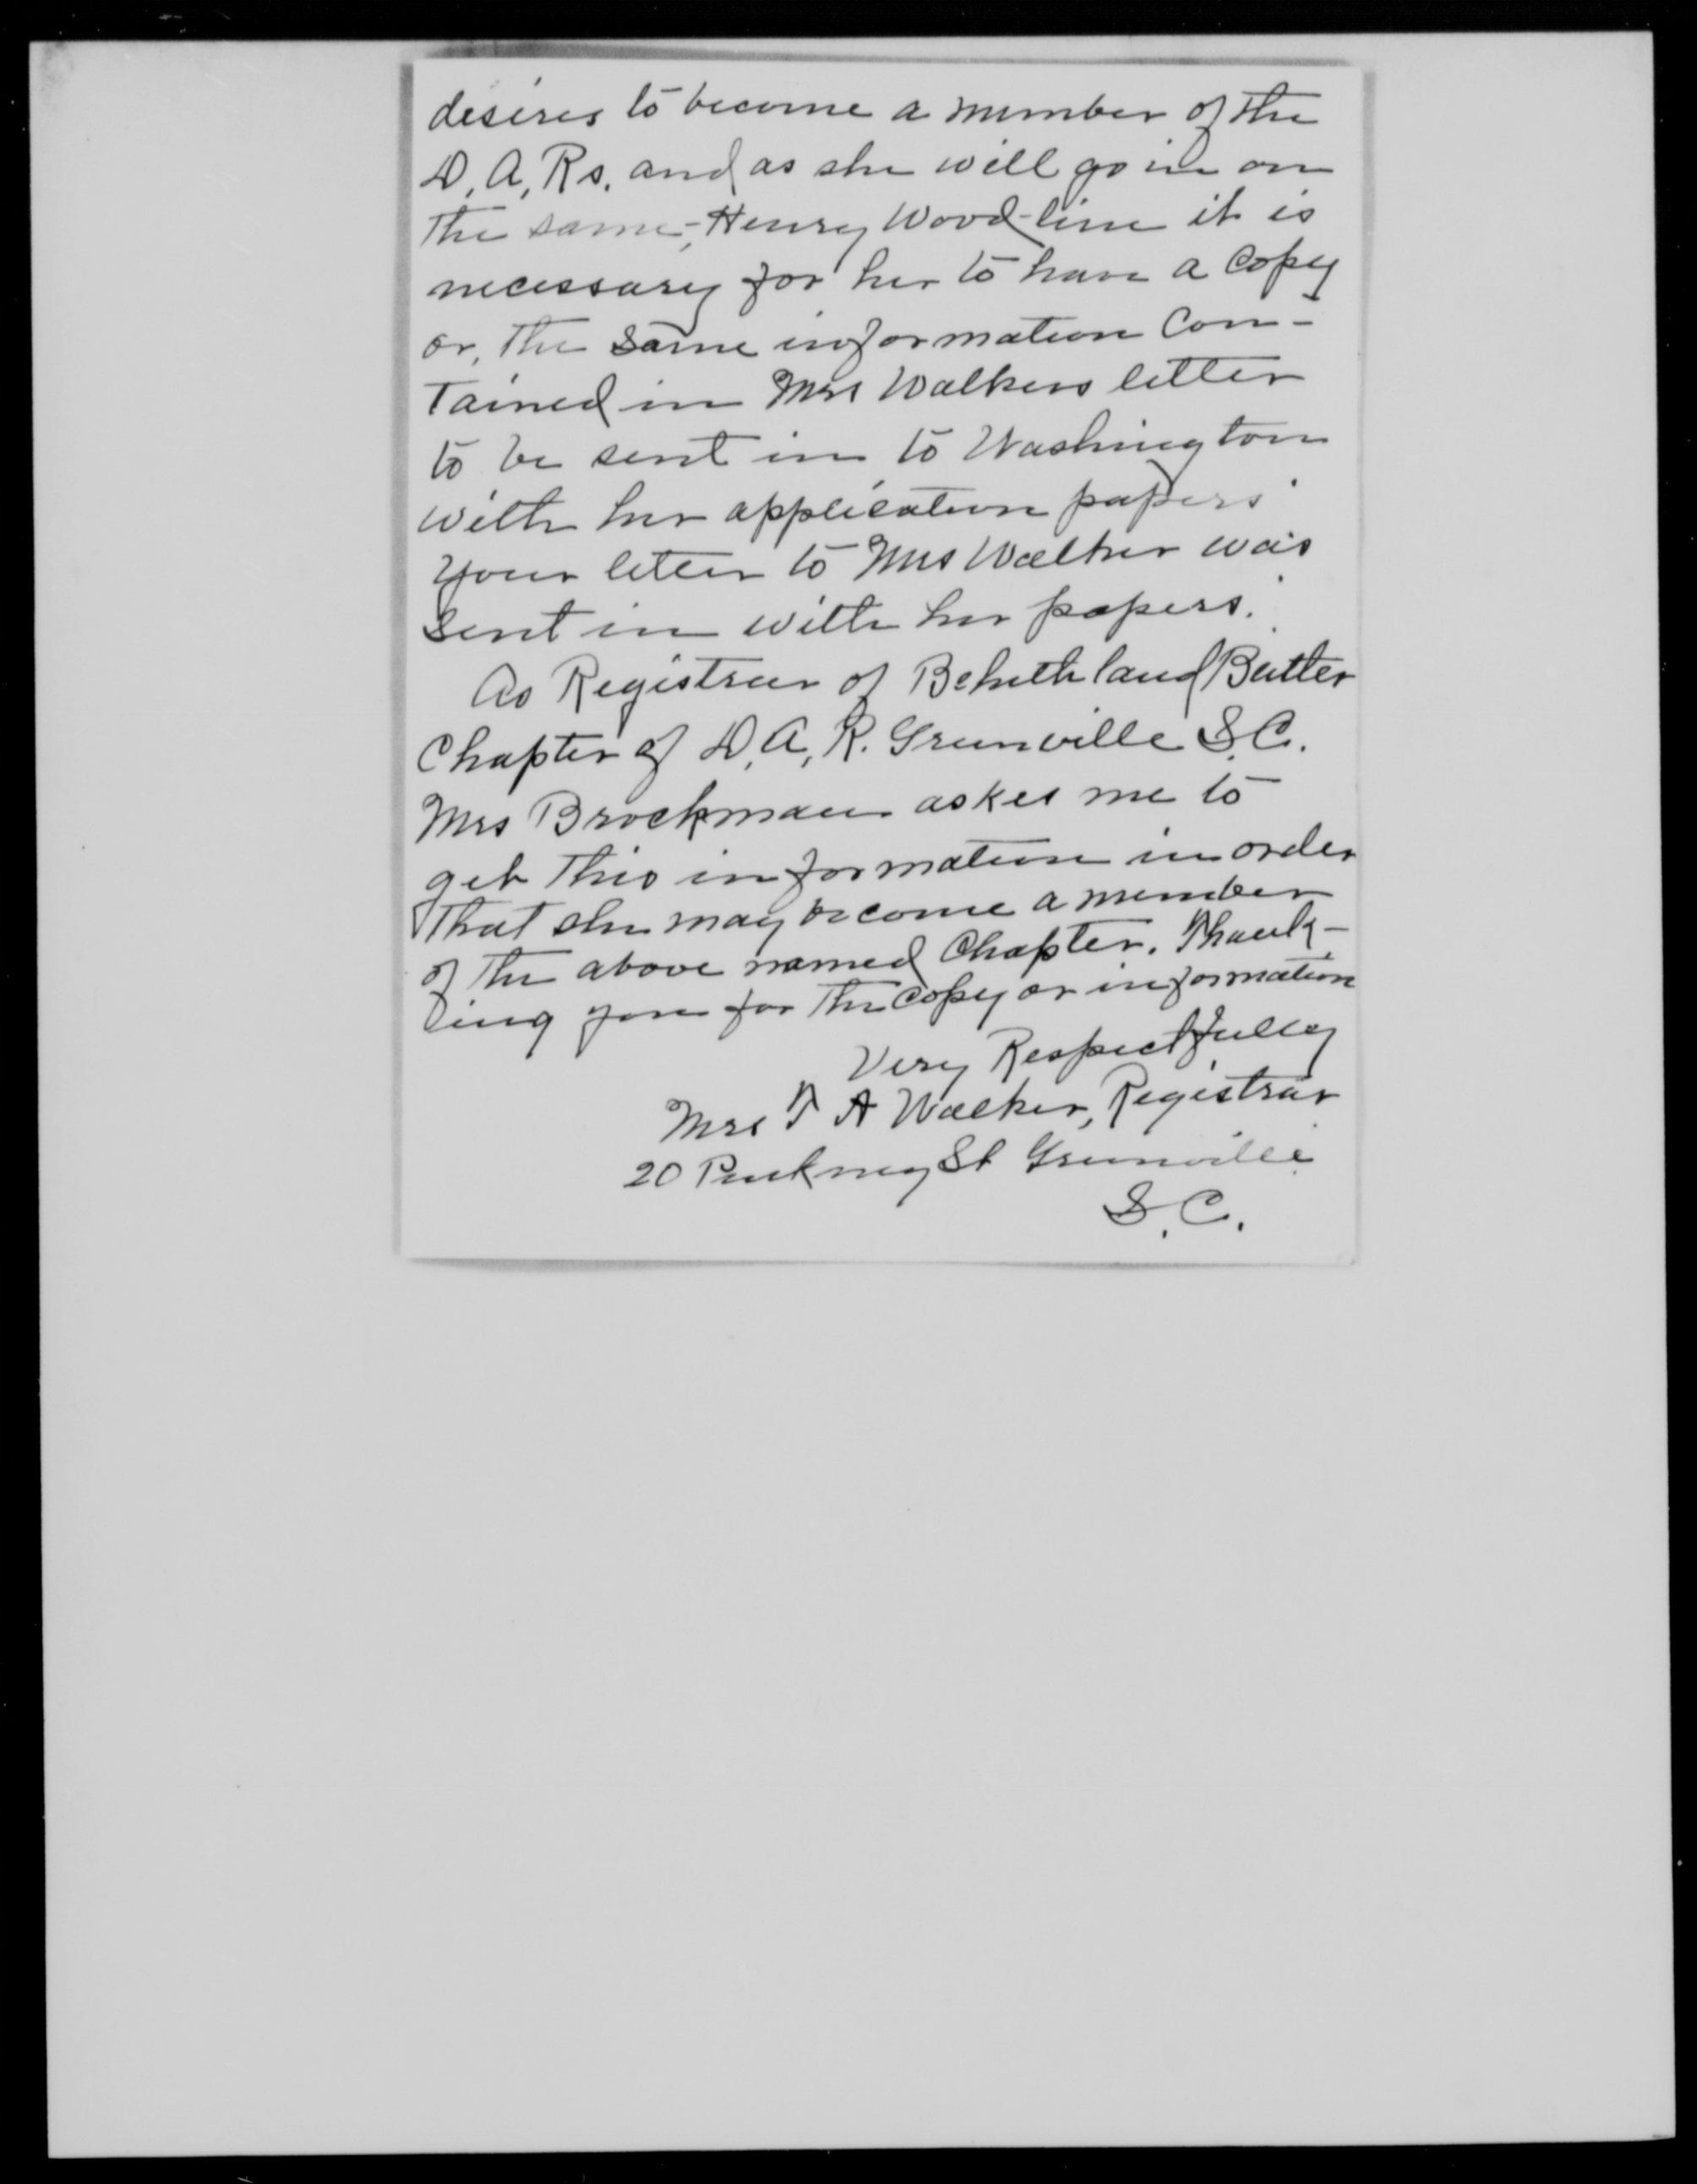desires to become a member of the D.A.R.s and as she will go in as this same Henry Wood line it is necessary for her to ahve a copy or the same information contained in Mrs Walkers letter to be sent in to Washington with her application papers.  your letter to Mrs Walker was sent in with her papers.  As Registrar of Behethland Butler Chapter of D.A.R. Greenville S.C. Mrs Brockman asks me to get this information in order that she may become a member of the above named chapter.  Thanking you for the copy or information.  Very respectfully Mrs T A Walker, Registrar 20 Beckmay St Greenville S.C.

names: Walkers, T A Walker, Henry Wood, Brockman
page: 32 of 40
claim: rejected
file: R. 11785, Henry Wood, N. C.